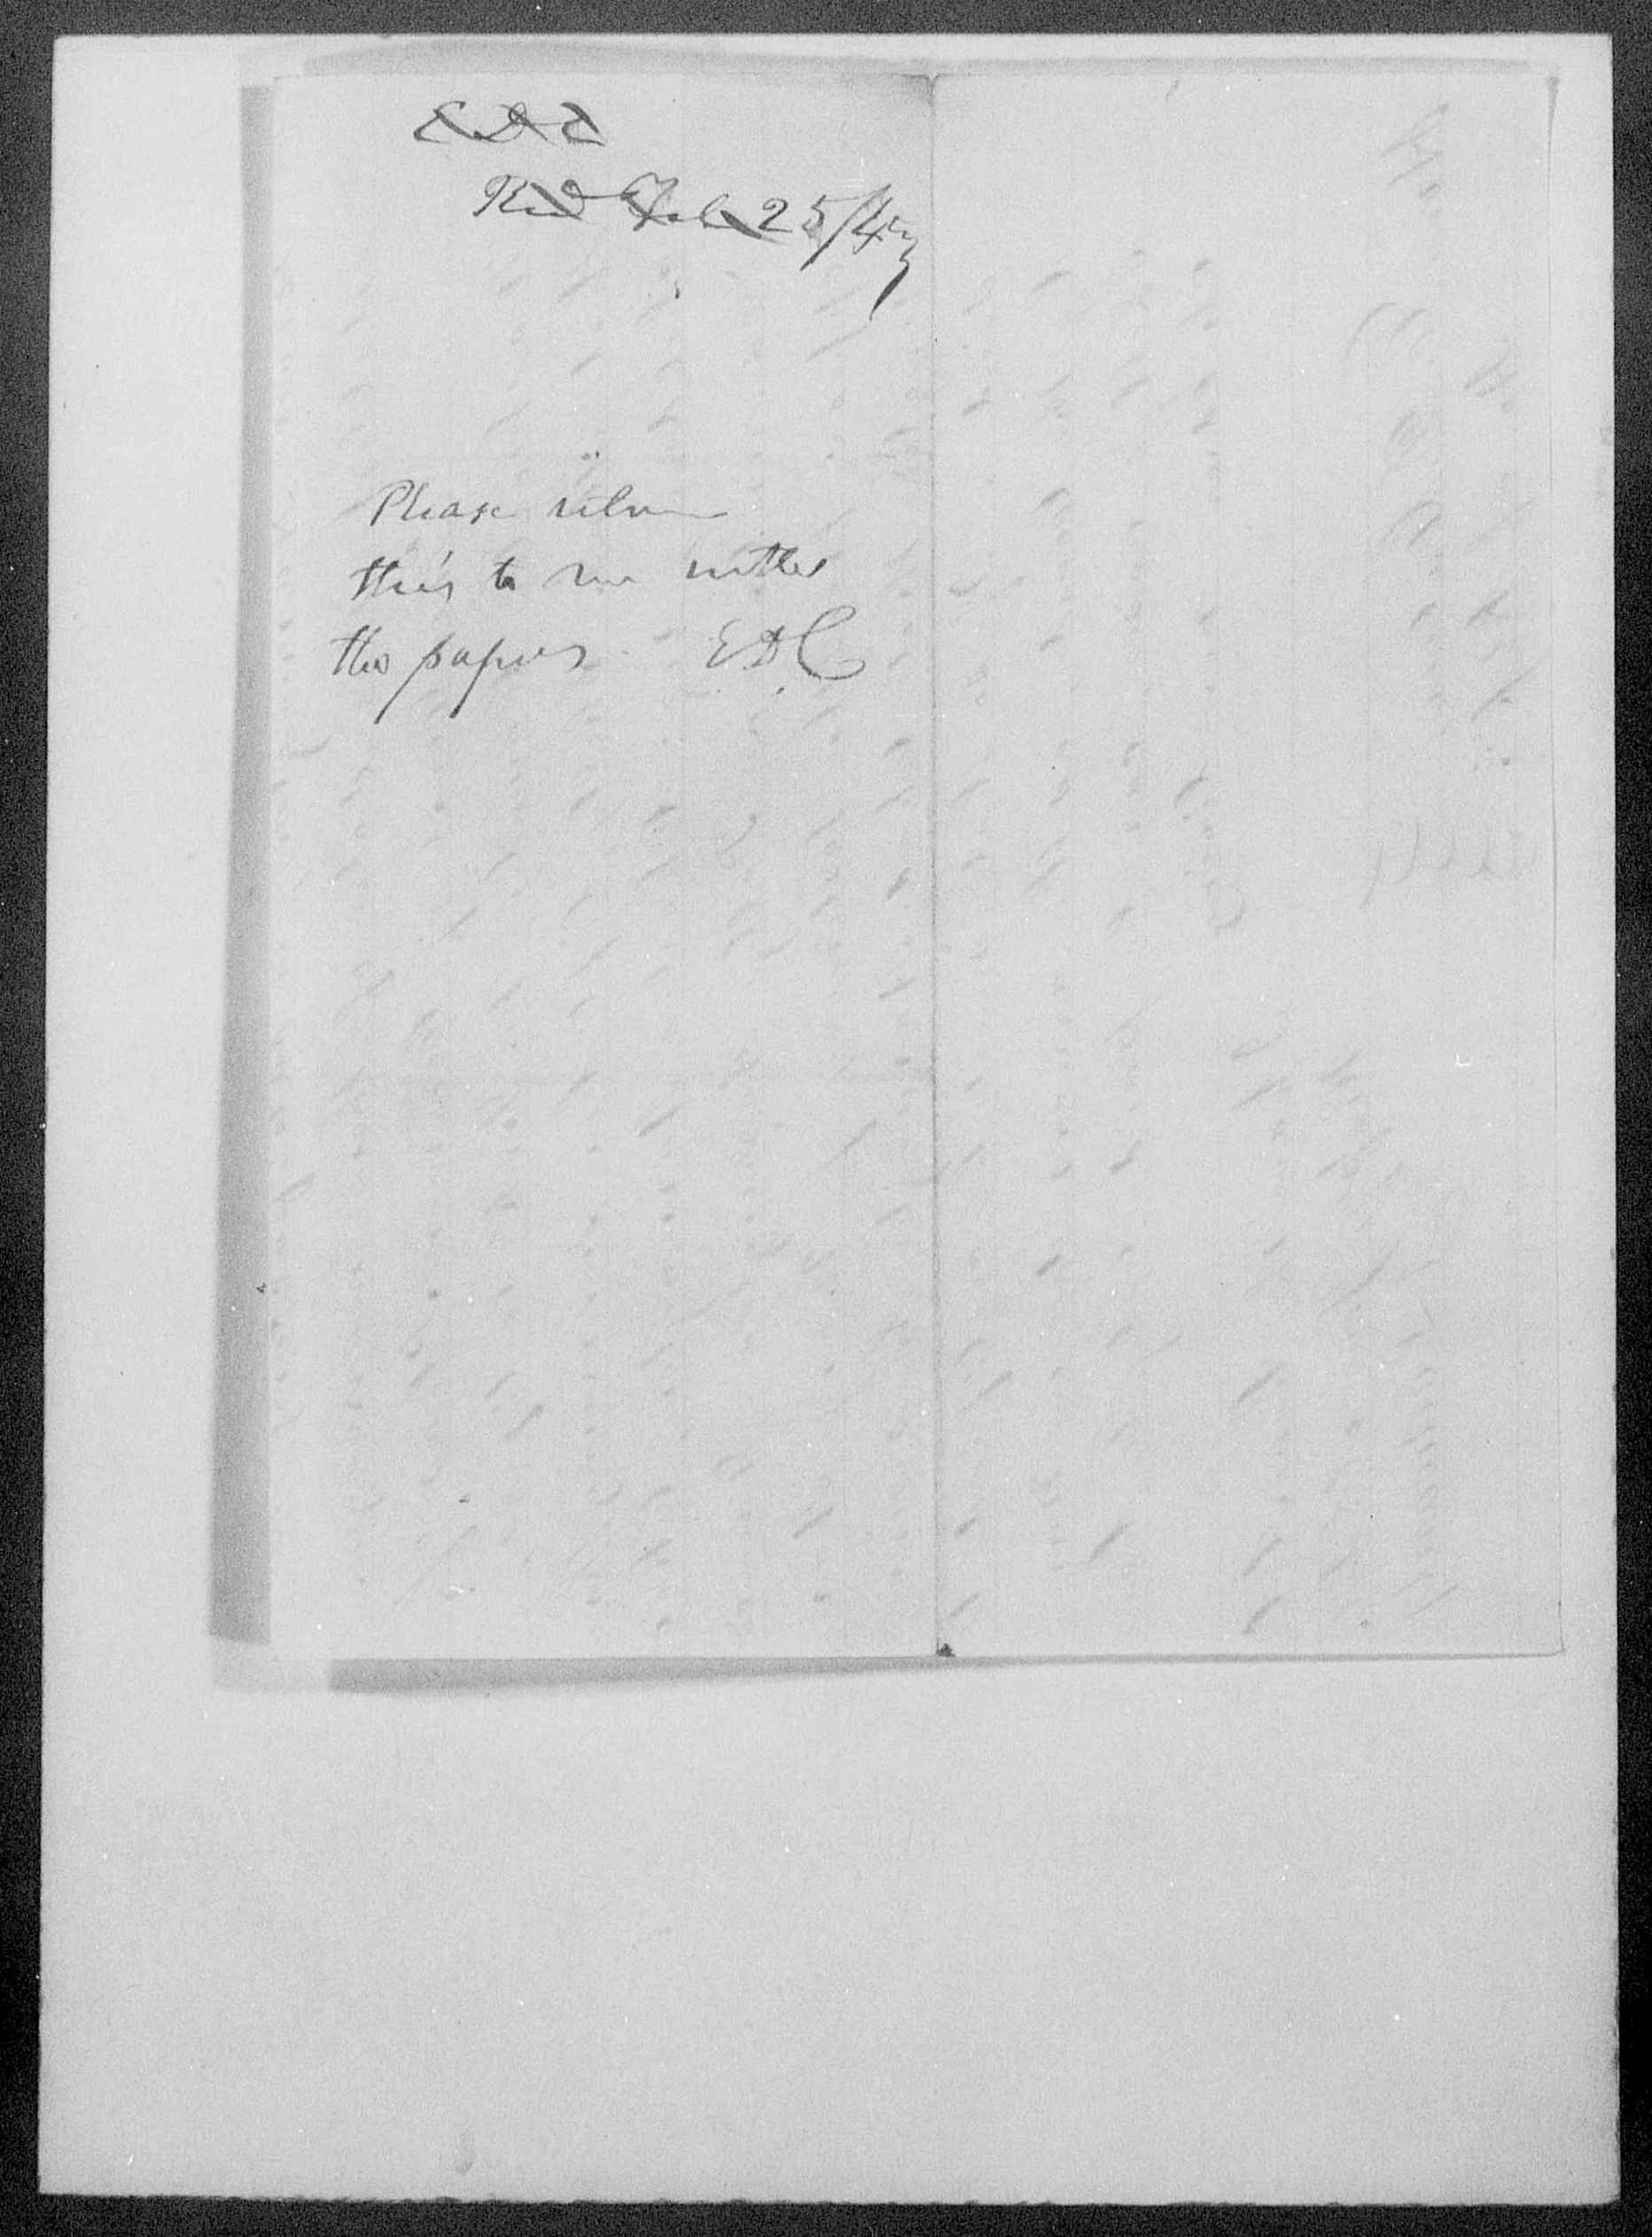["EDC
[illegible Feb 25/47" crossed out]

Please return this to me with the papers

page: 47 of 51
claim: widow's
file: W. 19,026, Israel Harrington, R.I.